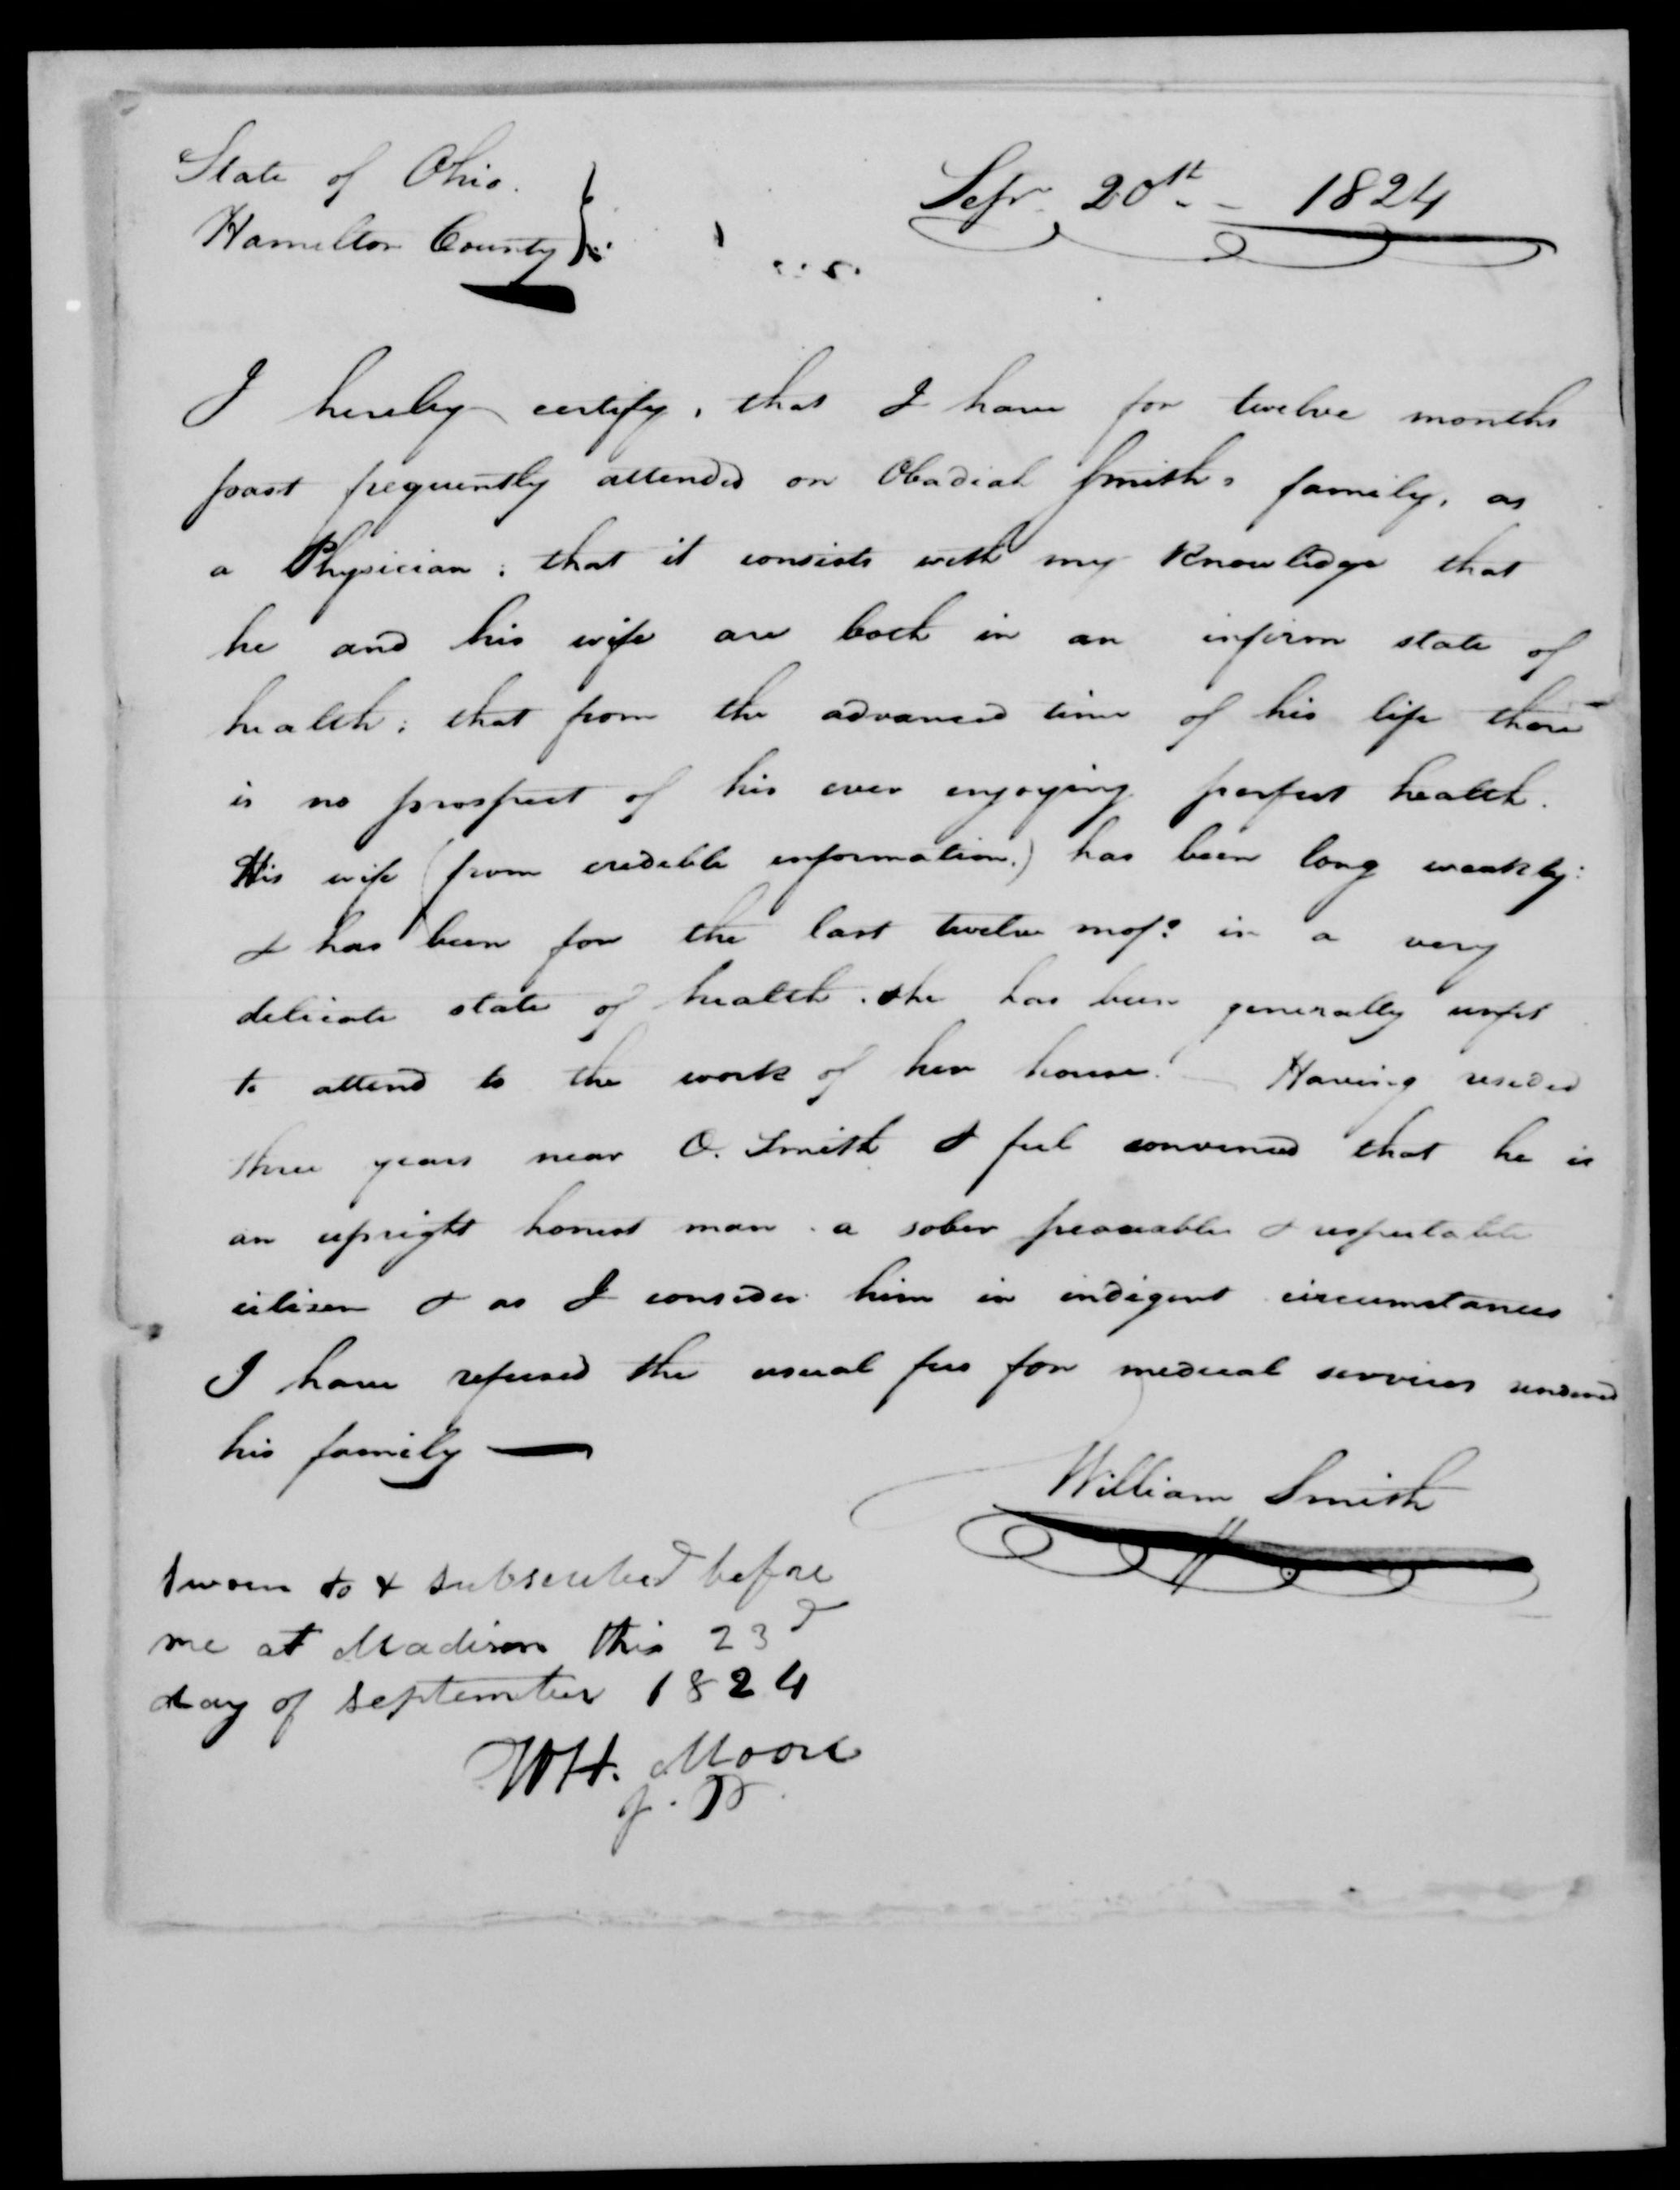State of Ohio Hamilton County } Sept 20th 1824 
I hereby certify that I have for twelve months past frequently attended on Obadiah Smith, family, as a Physician, that it consists with my knowledge that he and his wife are both in an infirm state of health, that from the advanced time of his life there is no prospect of his ever enjoying perfect health. The wife (from credible information) has been long weakly & has been for the last twelve mos. in a very delicate state of health. she has been generally unfit to attend to the work of her house. Having resided three years near O. Smith & feel convinced that he is an upright honest man a sober peaceable & reputable citizen & as I consider him in indigent circumstances I have refused the usual fees for medical services rendered his family - [signature:] William Smith 
Sworn to & Subscriibed before me at Madison this 23d day of September 1824 [signature:] W H. Moor J. P.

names: Obadiah Smith; William Smith; O Smith; W H Moore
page: 44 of 66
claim: survivor's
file: S 40458, for Obadiah Smith, New York